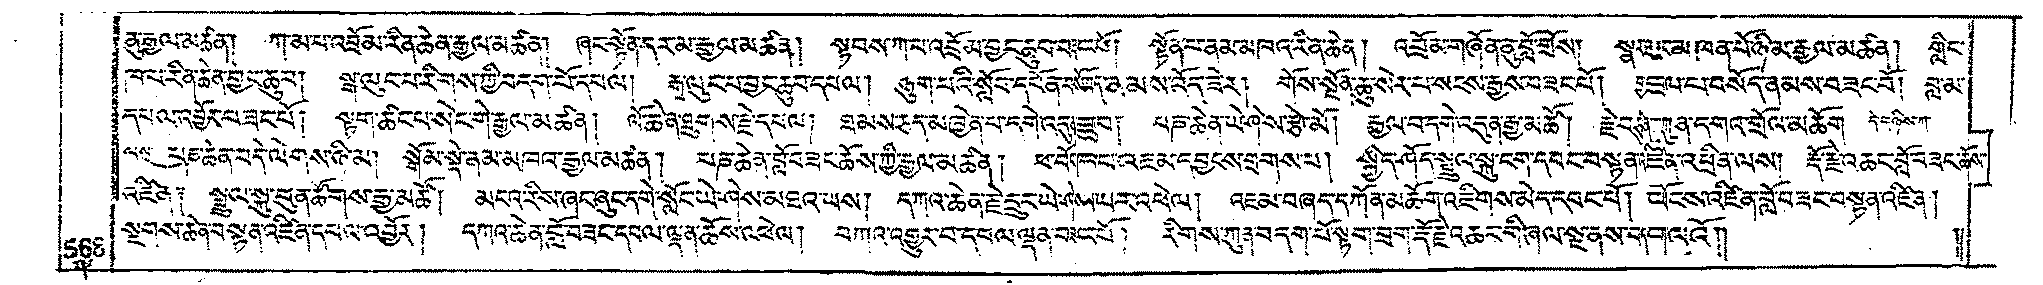ནུ་རྒྱལ་མཚན། ཀ་མ་པ་འབྲོམ་རིན་ཆེན་རྒྱལ་མཚན། ཞང་སྟོན་དར་མ་རྒྱལ་མཚན། སྟབས་ཀ་པ་འབྲོམ་བྱང་ཆུབ་བཟང་པོ། སྟོན་པ་ནམ་མཁའ་རིན་ཆེན། འབྲོམ་གཞོན་ནུ་བློ་གྲོས། སྣར་ཐང་མཁན་པོ་ཉི་མ་རྒྱལ་མཚན། གླིང་
ཁ་པ་རིན་ཆེན་བྱང་ཆུབ། སྒ་ལུང་པ་རིགས་ཀྱི་བདག་པོ་དཔལ། རྒྭ་ལུང་པ་བྱང་ཆུབ་དཔལ། ཉུག་པའི་སློབ་དཔོན་བསོད་ནམས་འོད་ཟེར། གོས་སྔོན་ཆུ་སེར་པ་སངས་རྒྱས་བཟང་པོ། བྱ་བྲལ་བ་བསོད་ནམས་བཟང་པོ། བླ་མ་
དཔལ་འབྱོར་བཟང་པོ། སྟག་ཚང་པ་སེང་གེ་རྒྱལ་མཚན། ལོ་ཆེན་ཐུགས་རྗེ་དཔལ། ཐམས་ཅད་མཁྱེན་པ་དགེ་འདུན་གྲུབ། པཎ་ཆེན་ཡེ་ཤེས་རྩེ་མོ། རྒྱལ་བ་དགེ་འདུན་རྒྱ་མཚོ། རྗེ་བཙུན་ཀུན་དགའ་གྲོལ་མཆོག། དེ་གྱིས་ཀ་
ལས་པཎ་ཆེན་བདེ་ལེགས་ཉི་མ། སྒོམ་སྡེ་ནམ་མཁའ་རྒྱལ་མཚན། པཎ་ཆེན་བློ་བཟང་ཆོས་ཀྱི་རྒྱལ་མཚན། ཕ་བོང་ཁ་པ་འཇམ་དབྱངས་གྲགས་པ། སྐྱིད་ཤོད་སྤྲུལ་སྐུ་ངག་དབང་བསྟན་འཛིན་འཕྲིན་ལས། རྡོ་རྗེ་འཆང་བློ་བཟང་ཆོས་
འཛིན༑ སྤྲུལ་སྐུ་ཕུན་ཚོགས་རྱམ་ཚོ། མངའ་རིས་ཞང་ཟུང་དགེ་སློང་ཡེ་ཤེས་མཐའ་ཡས། དཀའ་ཆེན་རེ་དྲུང་ཡེ་ཤེས་ཡར་འཕེལ། འཇམ་བཞད་དོན་མཆོག་འཇིགས་མེད་དབང་པོ། ཡོངས་འཛིན་བློ་བཟང་བསྟན་འཛིན།
སྔགས་ཆེན་བསྟན་འཛིན་དཔལ་འབྱོར། དཀའ་ཆེན་བློ་བཟང་དཔལ་ལྡན་ཆོས་ཕེལ། བཀའ་འགྱུར་བ་དཔལ་དླན་བཟང་པོ། རིགས་ཀུན་བདག་པོ་སྟག་ཟག་རྡོ་རྗེ་འཆང་གི་ཞལ་སྔ་ནས་བདག་ལའོ།། །།